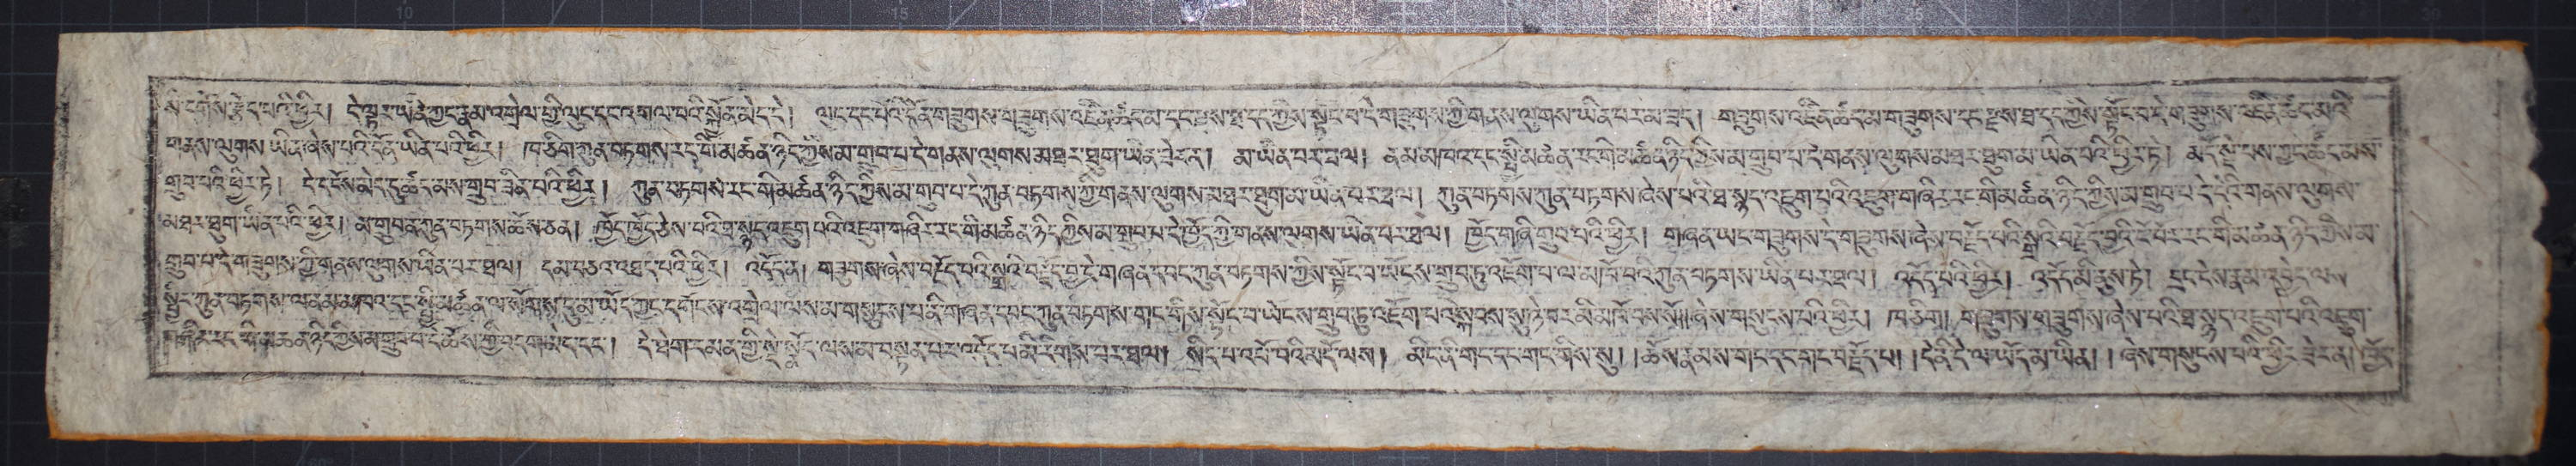མི་དགོས་རྩོད་པའི་ཕྱིར། དེ་ལྟར་ཡིན་ཀྱང་རྣམ་འགྲེལ་གྱི་ལུང་དང་འགལ་བའི་སྐྱོན་མེད་དེ། ལུང་དང་པོའི་དོན་གཟུགས་གཟུགས་འཛིན་ཚད་མ་དང་རྫས་ཐ་དད་ཀྱིས་སྟོང་བ་དེ་གཟུགས་ཀྱི་གནས་ལུགས་ཡིན་པར་མ་ཟད། གཟུགས་འཛིན་ཚད་མ་གཟུགས་དང་རྫས་ཐ་དད་ཀྱིས་སྟོང་བ་དེ་གཟུགས་འཛིན་ཚད་མའི་
གནས་ལུགས་ཡིན་ཞེས་པའི་དོན་ཡིན་པའི་ཕྱིར། ཁ་ཅིག་ཀུན་བཏགས་རང་གི་མཚན་ཉིད་ཀྱིས་མ་གྲུབ་པ་དེ་གནས་ལུགས་མཐར་ཐུག་ཡིན་ཟེར་ན། མ་ཡིན་པར་ཐལ། ནམ་མཁའ་དང་སྤྱི་མཚན་རང་གི་མཚན་ཉིད་ཀྱིས་མ་གྲུབ་པ་དེ་གནས་ལུགས་མཐར་ཐུག་མ་ཡིན་པའི་ཕྱིར་ཏེ། མདོ་སྡེ་པས་ཀྱང་ཚད་མས་
གྲུབ་པའི་ཕྱིར་ཏེ། དེ་དངོས་མེད་དུ་ཚད་མས་གྲུབ་ཟིན་པའི་ཕྱིར། ཀུན་བཏགས་རང་གི་མཚན་ཉིད་ཀྱིས་མ་གྲུབ་པ་དེ་ཀུན་བཏགས་ཀྱི་གནས་ལུགས་མཐར་ཐུག་མ་ཡིན་པར་ཐལ། ཀུན་བཏགས་ཀུན་བཏགས་ཞེས་པའི་ཐ་སྙད་འཇུག་པའི་འཇུག་གཞིར་རང་གི་མཚན་ཉིད་ཀྱིས་མ་གྲུབ་པ་དེ་དེའི་གནས་ལུགས་
མཐར་ཐུག་ཡིན་པའི་ཕྱིར། མ་གྲུབ་ན་ཀུན་བཏགས་ཆོས་ཅན། ཁྱོད་ཁྱོད་ཅེས་པའི་ཐ་སྙད་འཇུག་པའི་འཇུག་གཞིར་རང་གི་མཚན་ཉིད་ཀྱིས་མ་གྲུབ་པ་དེ་ཁྱོད་ཀྱི་གནས་ལུགས་ཡིན་པར་ཐལ། ཁྱོད་གཞི་གྲུབ་པའི་ཕྱིར། གཞན་ཡང་གཟུགས་དེ་གཟུགས་ཞེས་བརྗོད་པའི་སྒྲའི་བརྗོད་བྱའི་ངོ་བོར་རང་གི་མཚན་ཉིད་ཀྱིས་མ་
གྲུབ་པ་དེ་གཟུགས་ཀྱི་གནས་ལུགས་ཡིན་པར་ཐལ། དམ་བཅའ་འཐད་པའི་ཕྱིར། འདོད་ན། གཟུགས་ཞེས་བརྗོད་པའི་སྒྲའི་བརྗོད་བྱ་དེ་གཞན་དབང་ཀུན་བཏགས་ཀྱིས་སྟོང་བ་ཡོངས་གྲུབ་ཏུ་འཇོག་པ་ལ་མཁོ་བའི་ཀུན་བཏགས་ཡིན་པར་ཐལ། འདོད་པའི་ཕྱིར། འདོད་མི་ནུས་ཏེ། དྲང་ངེས་རྣམ་འབྱེད་ལས་
སྤྱིར་ཀུན་བཏགས་ལ་ནམ་མཁའ་དང་སྤྱི་མཚན་ལ་སོགས་དུ་མ་ཡོད་ཀྱང་དགོངས་འགྲེལ་ལས་མ་གསུངས་པ་ནི་གཞན་དབང་ཀུན་བཏགས་གང་གིས་སྟོང་བ་ཡོངས་གྲུབ་ཏུ་འཇོག་པའི་སྐབས་སུ་ཉེ་བར་མི་མཁོ་བས་སོ། །ཞེས་གསུངས་པའི་ཕྱིར། ཁ་ཅིག ། གཟུགས་གཟུགས་ཞེས་པའི་ཐ་སྙད་འཇུག་པའི་འཇུག་
གཞིར་རང་གི་མཚན་ཉིད་ཀྱིས་མ་གྲུབ་པ་དེ་ཆོས་ཀྱི་བདག་མེད་དང་། དེ་ཐེག་དམན་གྱི་སྡེ་སྣོད་ལས་མ་བསྟན་པར་འདོད་པ་མི་རིགས་པར་ཐལ། སྲིད་པ་འཕོ་བའི་མདོ་ལས། མིང་ནི་གང་དང་གང་གིས་སུ། །ཆོས་རྣམས་གང་དང་གང་བརྗོད་པ། །དེ་ནི་དེ་ལ་ཡོད་མ་ཡིན། །ཞེས་གསུངས་པའི་ཕྱིར་ཟེར་ན། ཁྱོད་